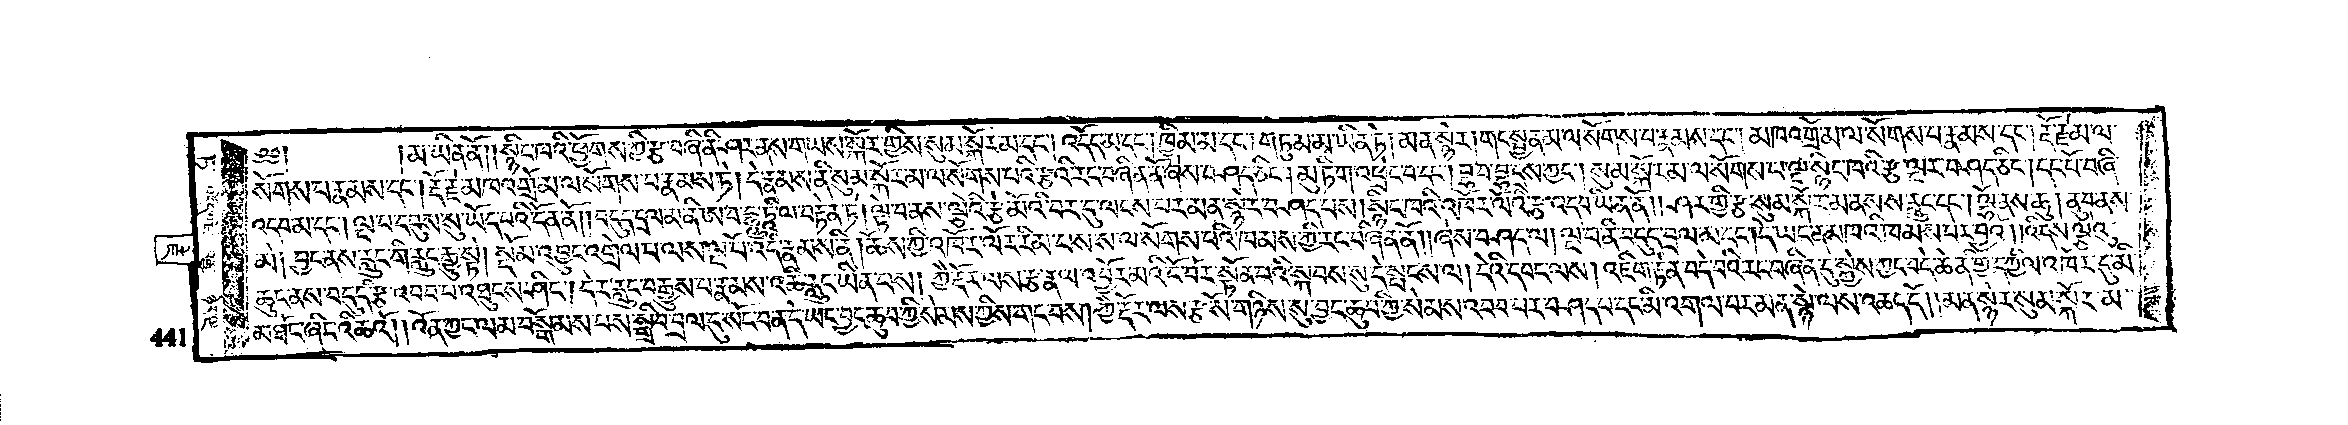༄༅། །མ་ཡིན་ནོ། །སྙིང་ཁའི་ཕྱོགས་ཀྱི་རྩ་བཞི་ནི་ཤར་ནས་གཡས་སྐོར་གྱིས་སུམ་སྐོར་མ་དང་། འདོད་མ་དང་། ཁྱིམ་མ་དང་། གཏུམ་མ་ཡིན་ཏེ། མན་སྙེར། གང་སྤྱན་མ་ལ་སོགས་པ་རྣམས་དང་། མཁའ་འགྲོ་མ་ལ་སོགས་པ་རྣམས་དང་། རྡོ་རྗེ་མ་ལ་
སོགས་པ་རྣམས་དང་། རྡོ་རྗེ་མཁའ་འགྲོ་མ་ལ་སོགས་པ་རྣམས་ཏེ། དེ་རྣམས་ནི་སུམ་སྐོར་མ་ལ་སོགས་པའི་རྩའི་རང་བཞིན་ནོ་ཞེས་བཤད་ཅིང་། མུ་ཏིག་འཕྲེང་བ་དང་། བྷ་བ་བྷ་དྲས་ཀྱང་། སུམ་སྐོར་མ་ལ་སོགས་པ་ལྔ་སྙིང་ཁའི་རྩ་ལྔར་བཤད་ཅིང་། དང་པོ་བཞི་
འདབ་མ་དང་། ལྔ་པ་དབུས་སུ་ཡོད་པའི་དོན་ནོ། །བདུད་དྲལ་མ་ནི་ཨ་བ་དྷཱུ་ཏཱི་ལ་བརྟེན་ཏེ། ལྟེ་བ་ནས་ལྕེའི་རྩེ་མོའི་བར་དུ་ལངས་པར་མན་སྙེར་བཤད་པས། སྙིང་ཁའི་འཁོར་ལོའི་རྩ་འདབ་ཡིན་ནོ། །ཤར་གྱི་རྩ་སུམ་སྐོར་མ་ནས་ས་རླུང་དང་། ལྷོ་ནས་ཆུ། ནུབ་ནས་
མེ། བྱང་ནས་རླུང་གི་རླུང་རྒྱུ་སྟེ། སྡོམ་འབྱུང་འགྲེལ་པ་ལས་ལྔ་པོ་འདི་རྣམས་ནི། ཆོས་ཀྱི་འཁོར་ལོར་རིམ་པས་ས་ལ་སོགས་པའི་ཁམས་ཀྱི་རང་བཞིན་ནོ། །ཞེས་བཤད་ལ། ལྔ་པ་ནི་བདུད་བྲལ་མ་དང་། དེ་ཡང་ནམ་མཁའི་ཁམས་པར་བྱའོ། །འདིས་ལྕེའུ་
ཆུང་ནས་བདུད་རྩི་འབབ་པ་འཐུངས་ཤིང་། དེར་རླུང་བརྒྱུས་པ་རྣམས་འཆི་རླུང་ཡིན་པས། ཀྱཻ་རྡོར་ལས་རྩ་རྣལ་འབྱོར་མའི་ངོ་བོར་སྟོན་པའི་སྐབས་སུ་དེ་སྤངས་ལ། དེའི་དབང་ལས། འཇིག་རྟེན་བདེ་བའི་རང་བཞིན་དུ་སྐྱེས་ཀྱང་བདེ་ཆེན་གྱི་དཀྱིལ་འཁོར་དུ་མི་
མཐོང་ཞིང་?་འཆིའོ། །འོན་ཀྱང་ལམ་བསྒོམས་པས་སྒྲིབ་བྲལ་དུ་སོང་བ་ན་དེ་ཡང་བྱང་ཆུབ་ཀྱི་སེམས་ཀྱིས་གང་བས། ཀྱཻ་རྡོར་ལས་རྩ་སོ་གཉིས་སུ་བྱང་ཆུབ་ཀྱི་སེམས་འབབ་པར་བཤད་པ་དང་མི་འགལ་བར་མན་སྙེ་ལས་འཆད་དོ། །མན་སྙེར་སུམ་སྐོར་མ་